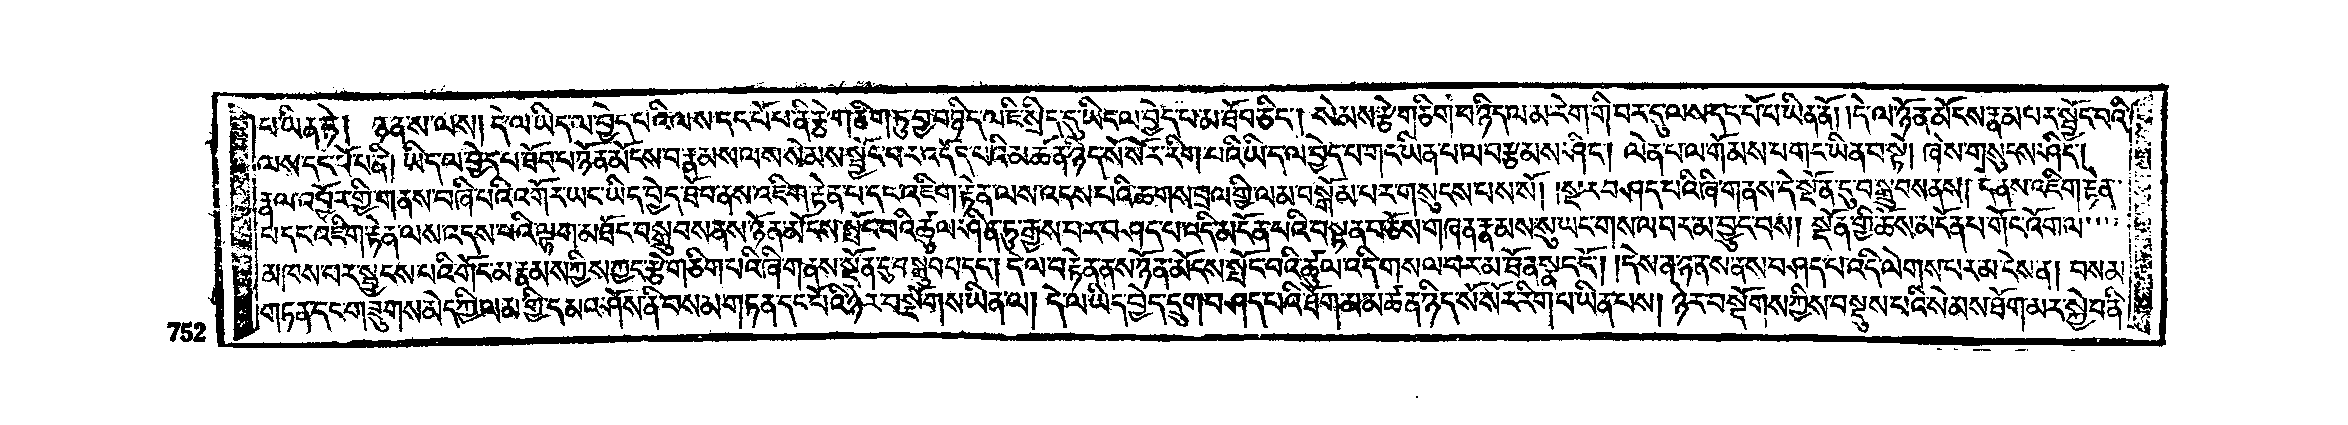པ་ཡིན་ཏེ། ཉན་ས་ལས། དེ་ལ་ཡིད་ལ་བྱེད་པའི་ལས་དང་པོ་པ་ནི་རྩེ་གཅིག་ཏུ་བྱ་བ་ཉིད་ལ་ཇི་སྲིད་དུ་ཡིད་ལ་བྱེད་པ་མ་ཐོབ་ཅིང་། སེམས་རྩེ་གཅིག་པ་ཉིད་ལ་མ་རེག་གི་བར་དུ་ལས་དང་པོ་པ་ཡིན་ནོ། །དེ་ལ་ཉོན་མོངས་རྣམ་པར་སྦྱོང་བའི་
ལས་དང་པོ་པ་ནི། ཡིད་ལ་བྱེད་པ་ཐོབ་པ་ཉོན་མོངས་པ་རྣམས་ལས་སེམས་སྦྱོང་བར་འདོད་པའི་མཚན་ཉིད་སོ་སོར་རིག་པའི་ཡིད་ལ་བྱེད་པ་གང་ཡིན་པ་ལ་བརྩམས་ཤིང་། ལེན་པ་ལ་གོམས་པ་གང་ཡིན་པ་སྟེ། ཞེས་གསུངས་ཤིང་།
རྣལ་འབྱོར་གྱི་གནས་བཞི་པའི་འགོར་ཡང་ཡིད་བྱེད་ཐོབ་ནས་འཇིག་རྟེན་པ་དང་འཇིག་རྟེན་ལས་འདས་པའི་ཆགས་བྲལ་གྱི་ལམ་བསྒོམ་པར་གསུངས་པས་སོ། །སྔར་བཤད་པའི་ཞི་གནས་དེས་སྔོན་དུ་བསྒྲུབས་ནས། དེ་ནས་འཇིག་རྟེན་
པ་དང་འཇིག་རྟེན་ལས་འདས་པའི་ལྷག་མཐོང་བསྒྲུབས་ནས་ཉོན་མོངས་སྤོང་བའི་ཚུལ་ཤིན་ཏུ་རྒྱས་པར་བཤད་པ་འདི་མངོན་པའི་བསྟན་བཅོས་གཞན་རྣམས་སུ་ཡང་གསལ་བར་མ་བྱུང་བས། སྔོན་གྱི་ཆོས་མངོན་པ་གོང་འོག་ལ་
མཁས་པར་སྦྱངས་པའི་གོང་མ་རྣམས་ཀྱིས་ཀྱང་རྩེ་གཅིག་པའི་ཞི་གནས་སྔོན་དུ་བསྒྲུབ་པ་དང་། དེ་ལ་བརྟེན་ནས་ཉོན་མོངས་སྤོང་བའི་ཚུལ་འདི་གསལ་བར་མ་ཐོན་སྣང་ངོ། །དེས་ན་ཉན་ས་ནས་བཤད་པ་འདི་ལེགས་པར་མ་ངེས་ན། བསམ་
གཏན་དང་གཟུགས་མེད་ཀྱི་ལམ་གྱི་དམའ་ཤོས་ནི་བསམ་གཏན་དང་པོའི་ཉེར་བསྡོགས་ཡིན་ལ། དེ་ལ་ཡིད་བྱེད་དྲུག་བཤད་པའི་ཐོག་མ་མཚན་ཉིད་སོ་སོར་རིག་པ་ཡིན་པས། ཉེར་བསྡོགས་ཀྱིས་བསྡུས་པའི་སེམས་ཐོག་མར་སྐྱེ་བ་ནི་